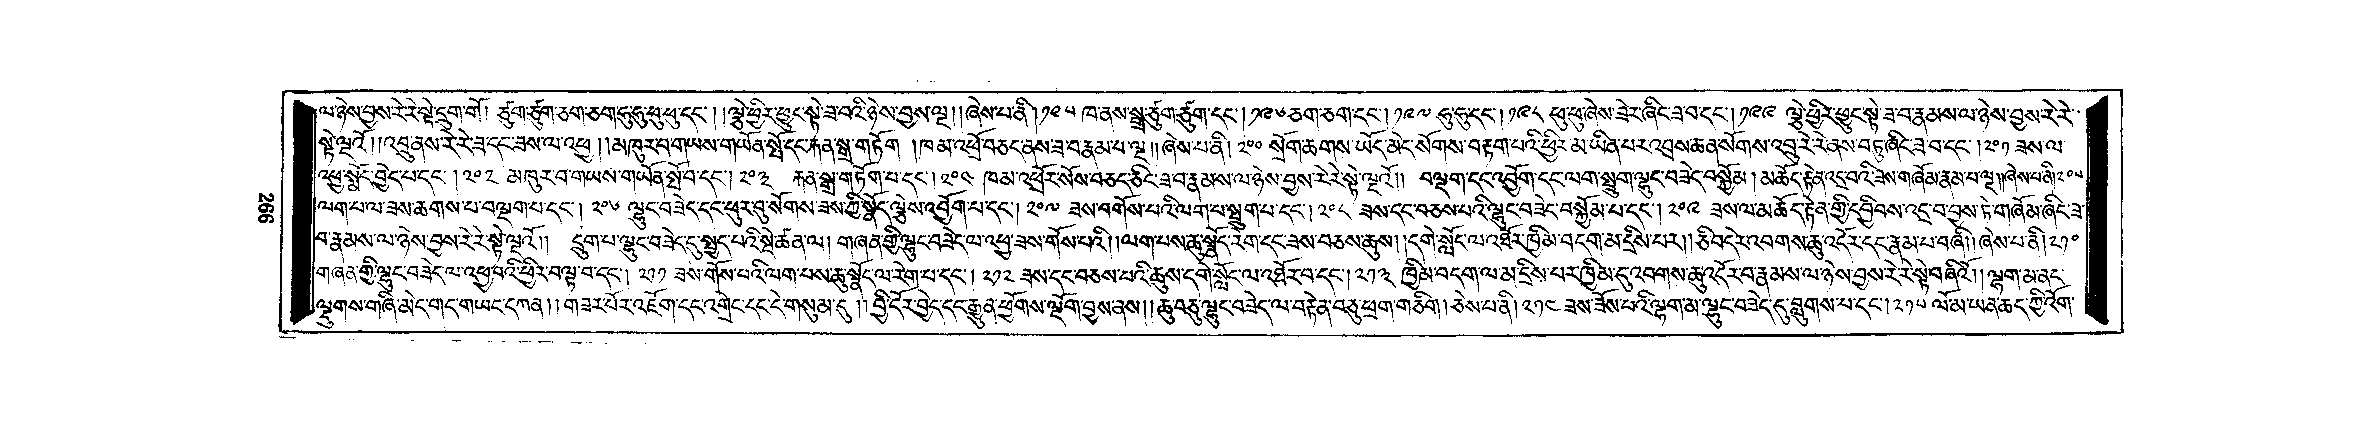ལ་ཉེས་བྱས་རེ་རེ་སྟེ་དྲུག་གོ །ཙུག་ཙུག་ཅག་ཅག་ཧུ་ཧུ་ཕུ་ཕུ་དང་། །ལྕེ་ཕྱིར་ཕྱུང་སྟེ་ཟ་བའི་ཉེས་བྱས་ལྔ། །ཞེས་པ་ནི། ཁ་ནས་སྒྲ་ཙུག་ཙུག་དང་། ཅག་ཅག་དང་། ཧུ་ཧུ་དང་། ཕུ་ཕུ་ཞེས་ཟེར་ཞིང་ཟ་བ་དང་། ལྕེ་ཕྱིར་ཕྱུང་སྟེ་ཟ་བ་རྣམས་ལ་ཉེས་བྱས་རེ་རེ་
སྟེ་ལྔའོ། །འབྲུ་ནས་རེ་རེ་ཟ་དང་ཟས་ལ་འཕྱ། །མཁུར་བ་གཡས་གཡོན་སྤོ་དང་རྐན་སྒྲ་གཏོག །ཁམ་འཕྲོ་བཅད་ནས་ཟ་བ་རྣམ་པ་ལྔ། །ཞེས་པ་ནི། སྲོག་ཆགས་ཡོད་མེད་སོགས་བརྟག་པའི་ཕྱིར་མ་ཡིན་པར་འབྲས་ཆན་སོགས་འབྲུ་རེ་རེ་ནས་བཏུ་ཞིང་ཟ་བ་དང་། ཟས་ལ་
འཕྱ་སྨོད་བྱེད་པ་དང་། མཁུར་བ་གཡས་གཡོན་སྤོ་བ་དང་། རྐན་སྒྲ་གཏོག་པ་དང་། ཁམ་འཕྲོར་སོས་བཅད་ཅིང་ཟ་བ་རྣམས་ལ་ཉེས་བྱས་རེ་རེ་སྟེ་ལྔའོ། །བལྡག་དང་འབྱོག་དང་ལག་སྤྲུག་ལྷུང་བཟེད་བསྐྱོམ། མཆོད་རྟེན་འདྲ་བའི་ཟས་གཞོམ་རྣམ་པ་ལྔ། །ཞེས་པ་ནི།
ལག་པ་ལ་ཟས་ཆགས་པ་བལྡག་པ་དང་། ལྷུང་བཟེད་དང་ཕུར་བུ་སོགས་ཟས་ཀྱི་སྣོད་ལྕེས་འབྱོག་པ་དང་། ཟས་བགོས་པའི་ལག་པ་སྤྲུག་པ་དང་། ཟས་དང་བཅས་པའི་ལྷུང་བཟེད་བསྐྱོམ་པ་དང་། ཟས་ལ་མཆོད་རྟེན་གྱི་དབྱིབས་འདྲ་བ་བྱས་ཏེ་གཞོམ་ཞིང་ཟ་
བ་རྣམས་ལ་ཉེས་བྱས་རེ་རེ་སྟེ་ལྔའོ། །དྲུག་པ་ལྷུང་བཟེད་དུ་སྤྱད་པའི་སྡེ་ཚན་ལ། གཞན་གྱི་ལྷུང་བཟེད་ལ་འཕྱ་ཟས་གོས་པའི། །ལག་པས་ཆུ་སྣོད་རེག་དང་ཟས་བཅས་ཆུས། །དགེ་སློང་ལ་འཐོར་ཁྱིམ་བདག་མ་དྲིས་པར། །ཅི་བདེར་འབགས་ཆུ་འདོར་དང་རྣམ་པ་བཞི། །ཞེས་པ་ནི།
གཞན་གྱི་ལྷུང་བཟེད་ལ་འཕྱ་བའི་ཕྱིར་བལྟ་བ་དང་། ཟས་གོས་པའི་ལག་པས་ཆུ་སྣོད་ལ་རེག་པ་དང་། ཟས་དང་བཅས་པའི་ཆུས་དགེ་སློང་ལ་འཐོར་བ་དང་། ཁྱིམ་བདག་ལ་མ་དྲིས་པར་ཁྱིམ་དུ་འབགས་ཆུ་འདོར་བ་རྣམས་ལ་ཉེས་བྱས་རེ་རེ་སྟེ་བཞིའོ། །ལྷག་མ་ནང་
ལྡུགས་གཞི་མེད་གད་གཡང་དཀན། །གཟར་པོར་འཇོག་དང་འགྲེང་དང་དེ་གསུམ་དུ། །བྱི་དོར་བྱེད་དང་རྒྱུན་ཕྱོགས་ལྡོག་བྱས་ནས། །ཆུ་བཅུ་ལྷུང་བཟེད་ལ་བརྟེན་བཅུ་ཕྲག་གཅིག །ཅེས་པ་ནི། ཟས་ཟོས་པའི་ལྷག་མ་ལྷུང་བཟེད་དུ་བླུགས་པ་དང་། ལོ་མ་ཡན་ཆད་ཀྱི་འོག་